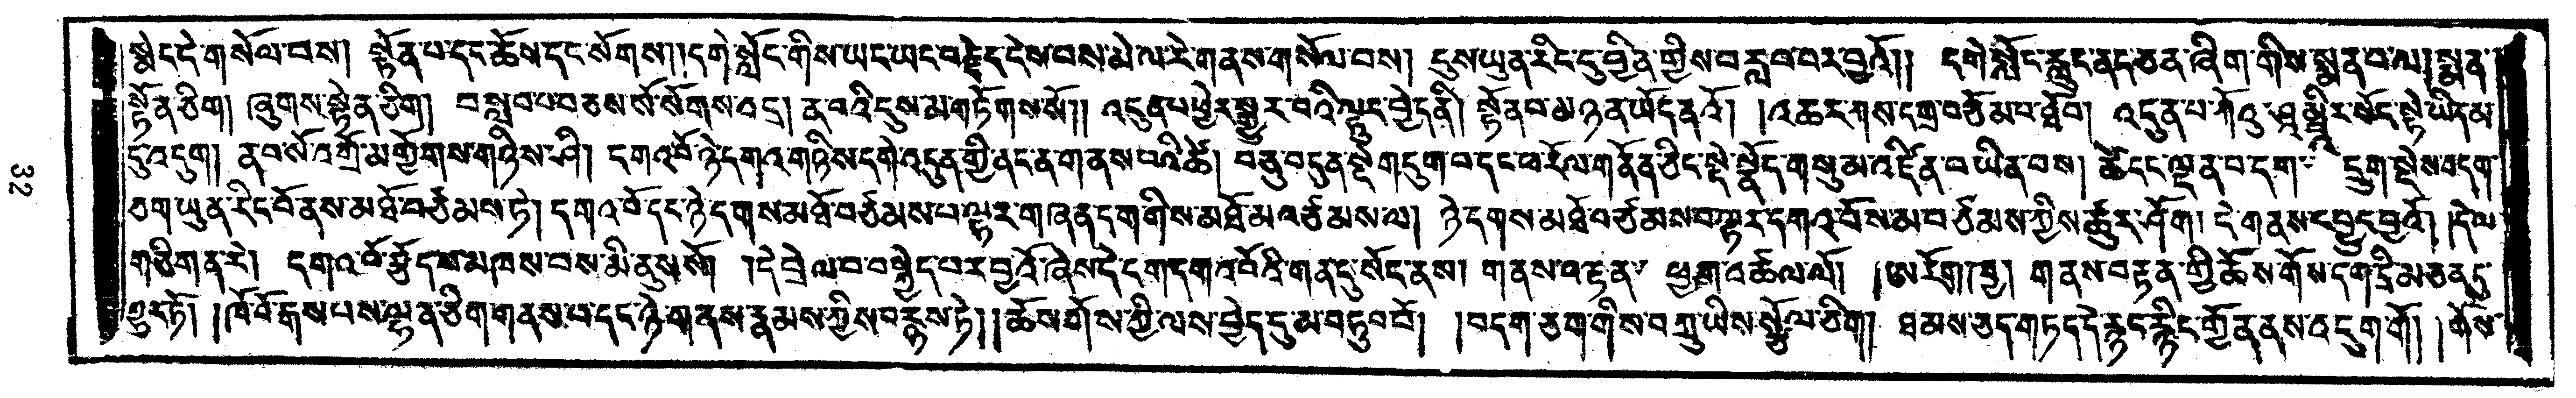སྨེད་དེ་གསོལ་བས། སྟོན་པ་དང་ཆོས་དང་སོགས། དགེ་སློང་གིས་ཡང་ཡང་བརྗེད་དེས་བས་མེ་ལ་རེ་གནས་གསོལ་བས། དུས་ཡུན་རིང་དུ་བྱིན་གྱིས་བརླབ་བར་བྱའོ།། དགེ་སློང་རླུང་ནད་ཅན་ཞིག་གིས་སྨན་བ་ལ་།སྨན་
སྟོན་ཅིག། ཞུགས་སྟེན་ཅིག། བསླབ་པ་བཅས་སོ་སོགས་འདྲ། ན་བའི་དུས་མ་གཏོགས་སོ།། འདུན་པ་ཕྱེར་སྒྱུར་བའི་ལྟུང་བྱེད་ནི། སྟོན་བ་མཉན་ཡོད་ནའོ། །འཆར་ཀས་དགྲ་བཅོམ་པ་ཐོབ། འདུན་པ་ཀོའུ་ཤཱམྦཱིར་སོང་སྟེ་ཡི་དམ་
དུ་འདུག། ན་བ་སོ་འགྲོ་མགྱོགས་གཉིས་ཤི། དགའ་བོ་ཉེ་དགའ་གཉིས་དགེ་འདུན་གྱི་ནང་ན་གནས་པའི་ཚེ། བཅུ་བདུན་སྡེ་གདུག་བ་དང་ཕ་རོལ་གནོན་ཅིང་སྡེ་སྣོད་གསུམ་འཛིན་བ་ཡིན་བས། ཚེ་དང་ལྡན་པ་དག༑ དྲུག་སྡེས་བདག་
ཅག་ཡུན་རིང་བོ་ནས་མཐོ་བཙམས་ཏེ། དགའ་བོ་དང་ཉེ་དགས་མཐོ་བཙམས་པ་ལྟར་གཞན་དག་གིས་མཐོ་མ་འྩམས་ལ། ཉེ་དགས་མཐོ་བཙམས་བ་ལྟར་དགའ་བོས་མ་བཙམས་ཀྱིས་ཚུར་ཤོག། དེ་གནས་དབྱུང་བྱའོ། །དེ་ལ་
གཅིག་ན་རེ། དགའ་བོ་རྩོད་པ་མཁས་བས་མི་ནུས་སོ། །དེ་བྲེལ་བ་བསྐྱེད་པར་བྱའོ་ཞེས་དེ་དག་དགའ་བོའི་གན་དུ་སོང་ནས། གནས་བརྟན་ཕྱག་འཚལ་ལོ། །ཨ་རོག་ཁྱ། གནས་བརྟན་གྱི་ཆོས་གོས་དག་དྲི་མ་ཅན་དུ་
གྱུར་ཏོ། །ཁོ་བོ་རྒས་པས་ལྷན་ཅིག་གནས་པ་དང་ཉེ་གནས་རྣམས་ཀྱིས་བརྙས་ཏེ། །ཆོས་གོས་ཀྱི་ལས་བྱེད་དུ་མ་བཏུབ་བོ། །བདག་ཅག་གིས་བཀྲུ་ཡིས་སྩོལ་ཅིག། ཐམས་ཅད་གཏད་དེ་རྙད་རྙིང་གྱོན་ནས་འདུག་གོ། །གོས་